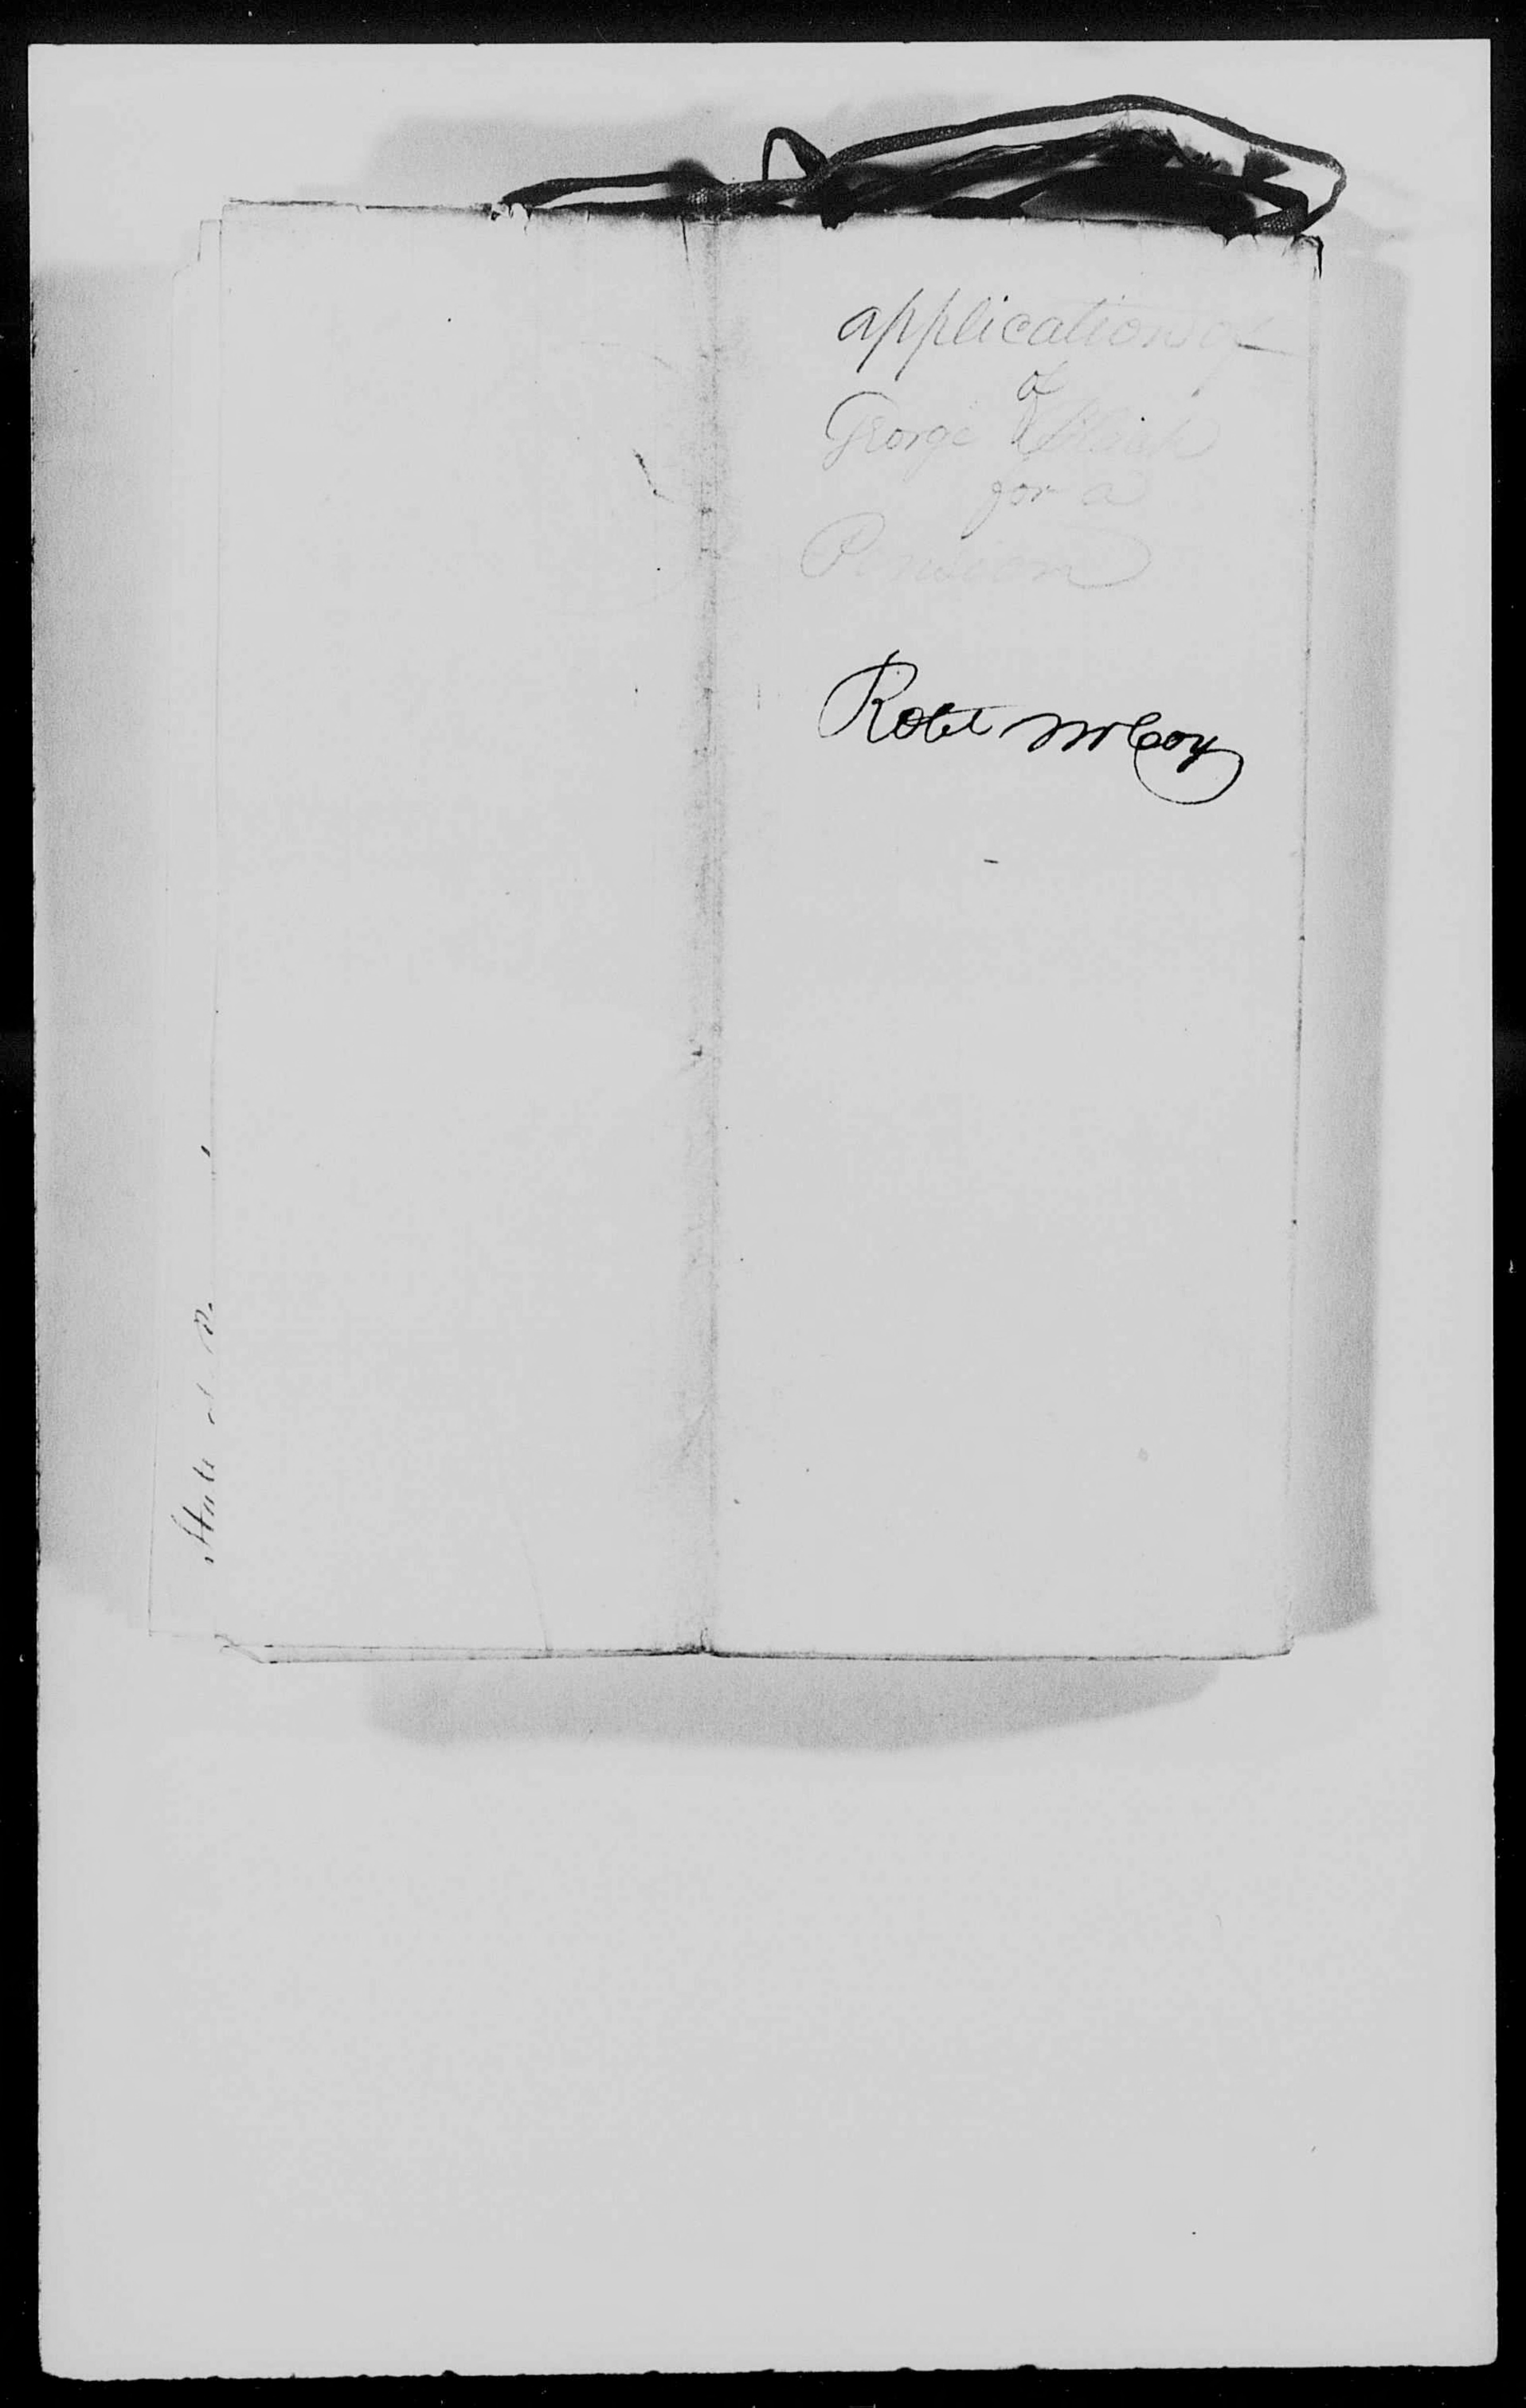Application of
George Black
for a 
Pensiion
Robt McCoy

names: George Black, Robt Mc Coy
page: 4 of 30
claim: widow's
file: W. 3211, George Black, Penn.